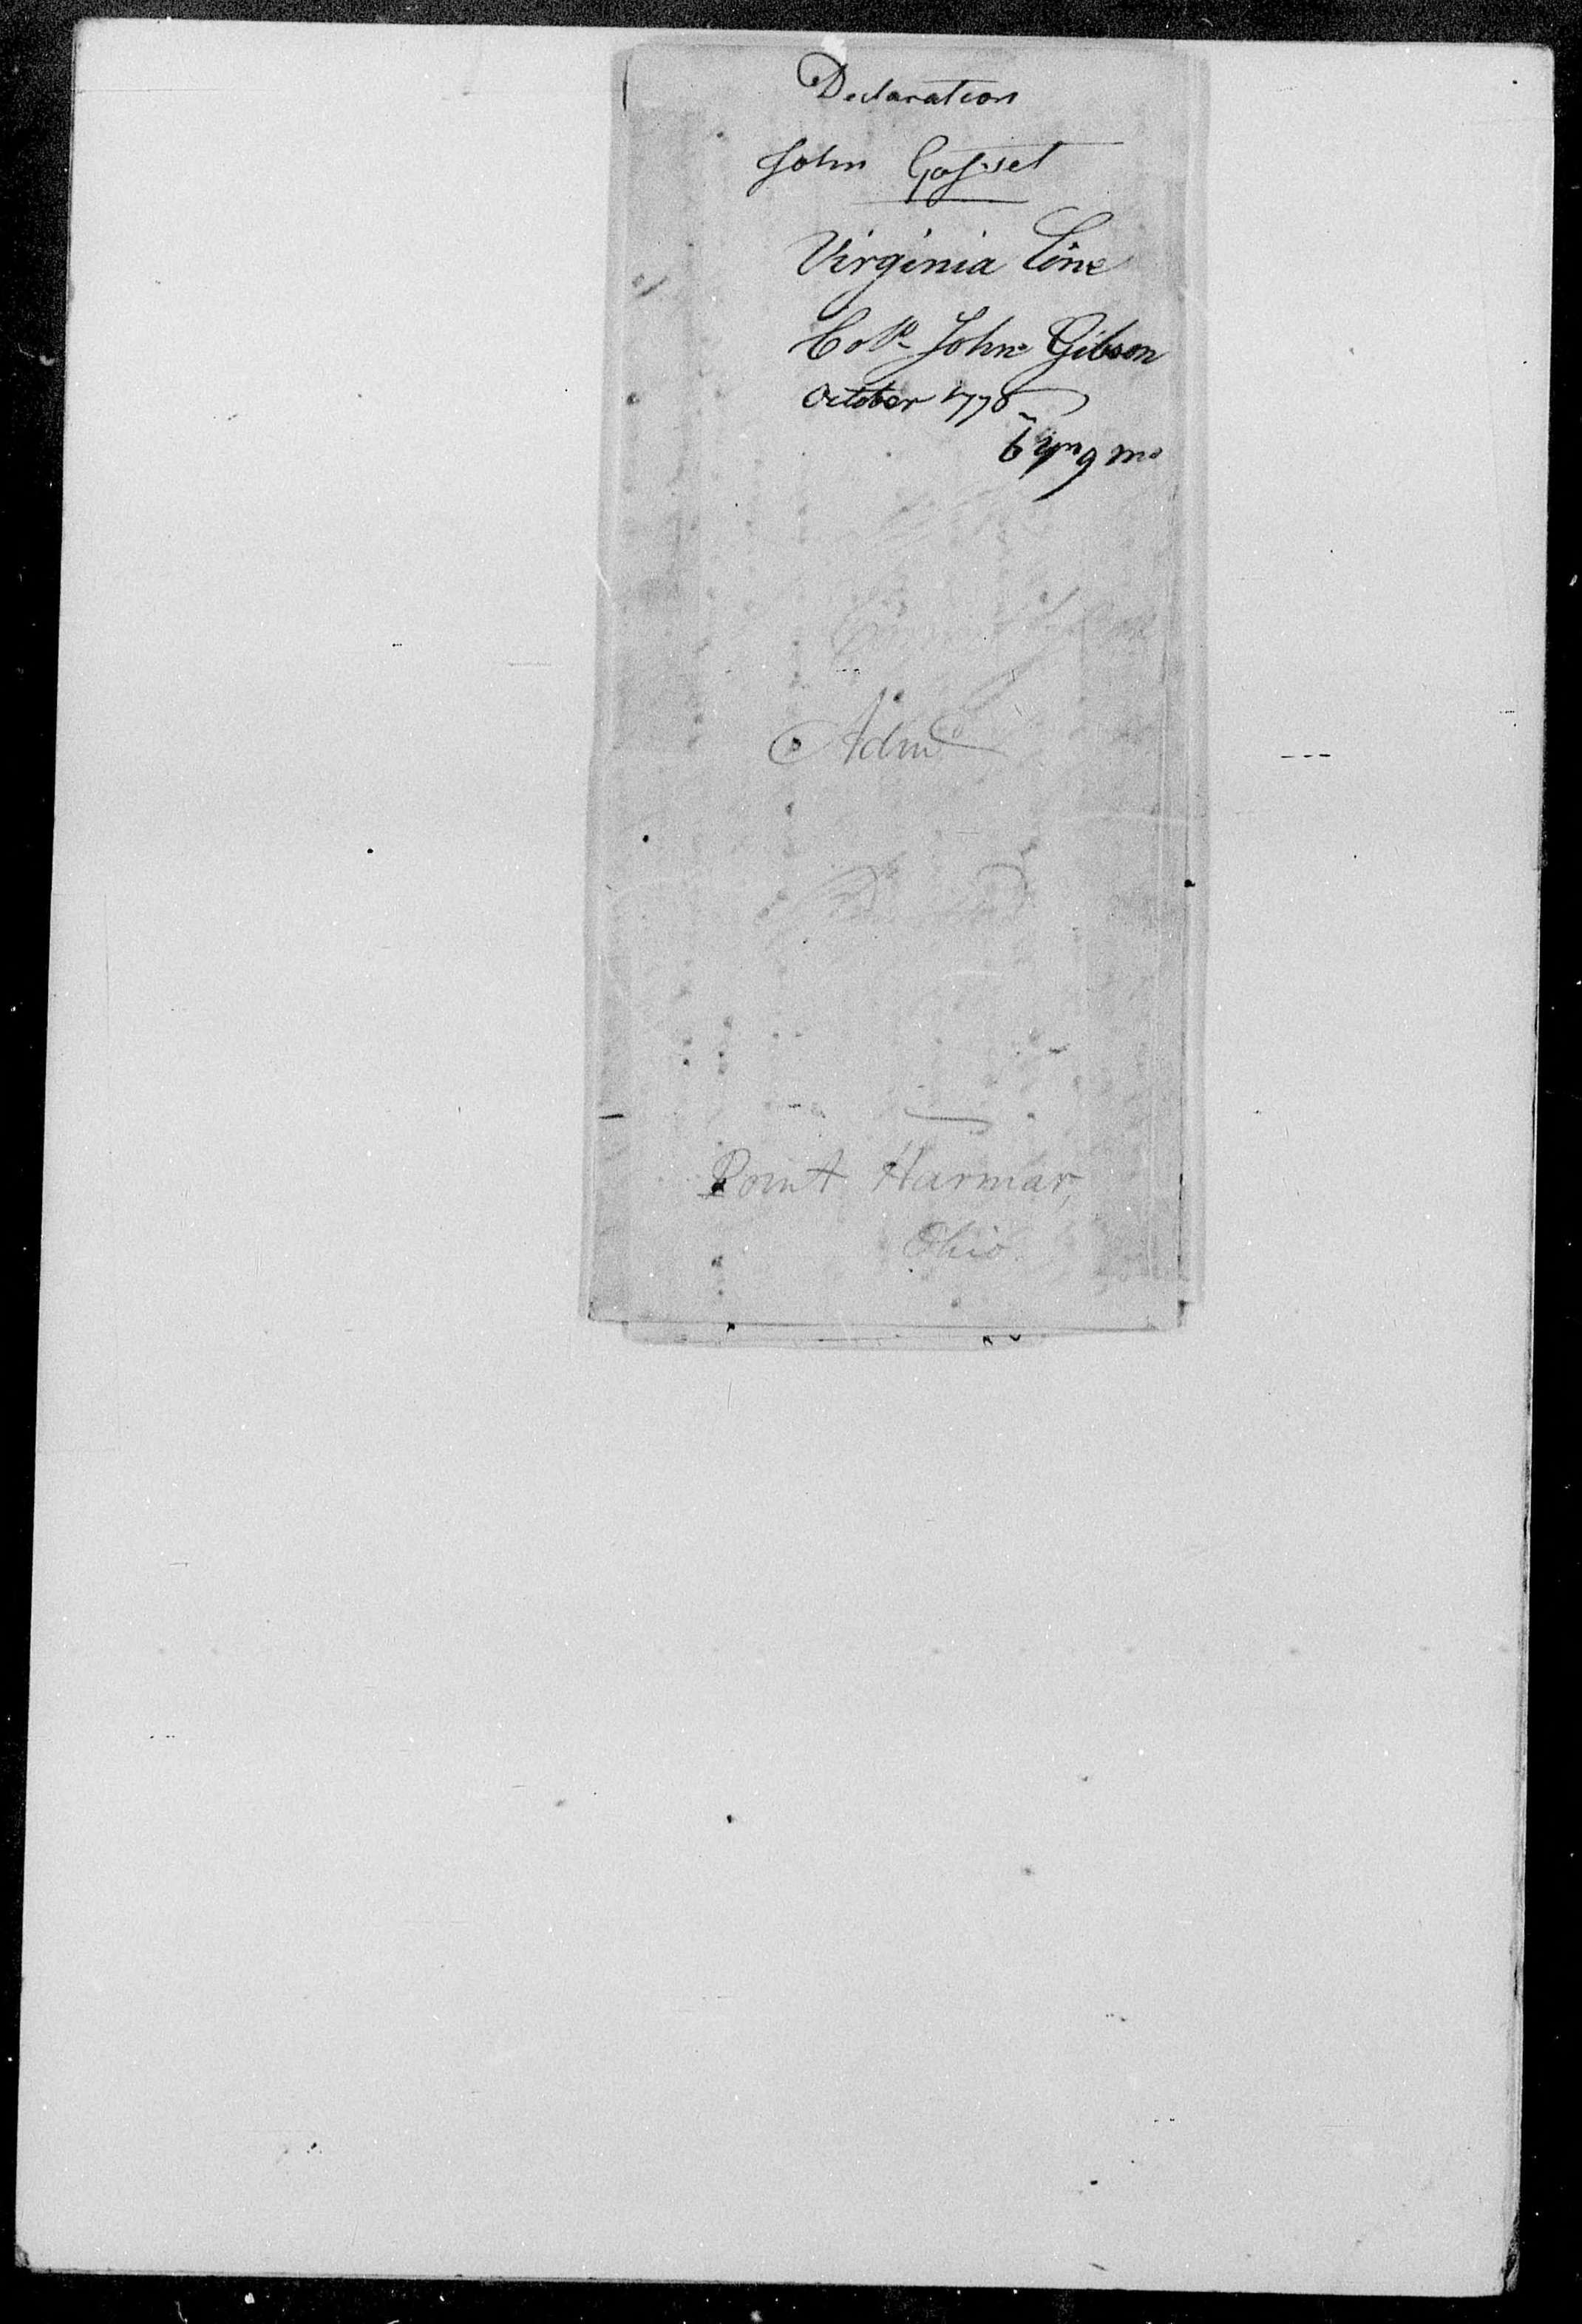Declaration John Gosset
Virginia Line
Col John Gibson
October 1776
6 yr 9 mo
[very faint handwriting illegible]
Certificate [very faint handwriting]
Admd
[very faint handwriting illegible; possibly signature]
~
Point Harmar, Ohio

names: John Gibson, John Gosset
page: 18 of 21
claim: survivor's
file: S. 42,750, John Gosset, Va.